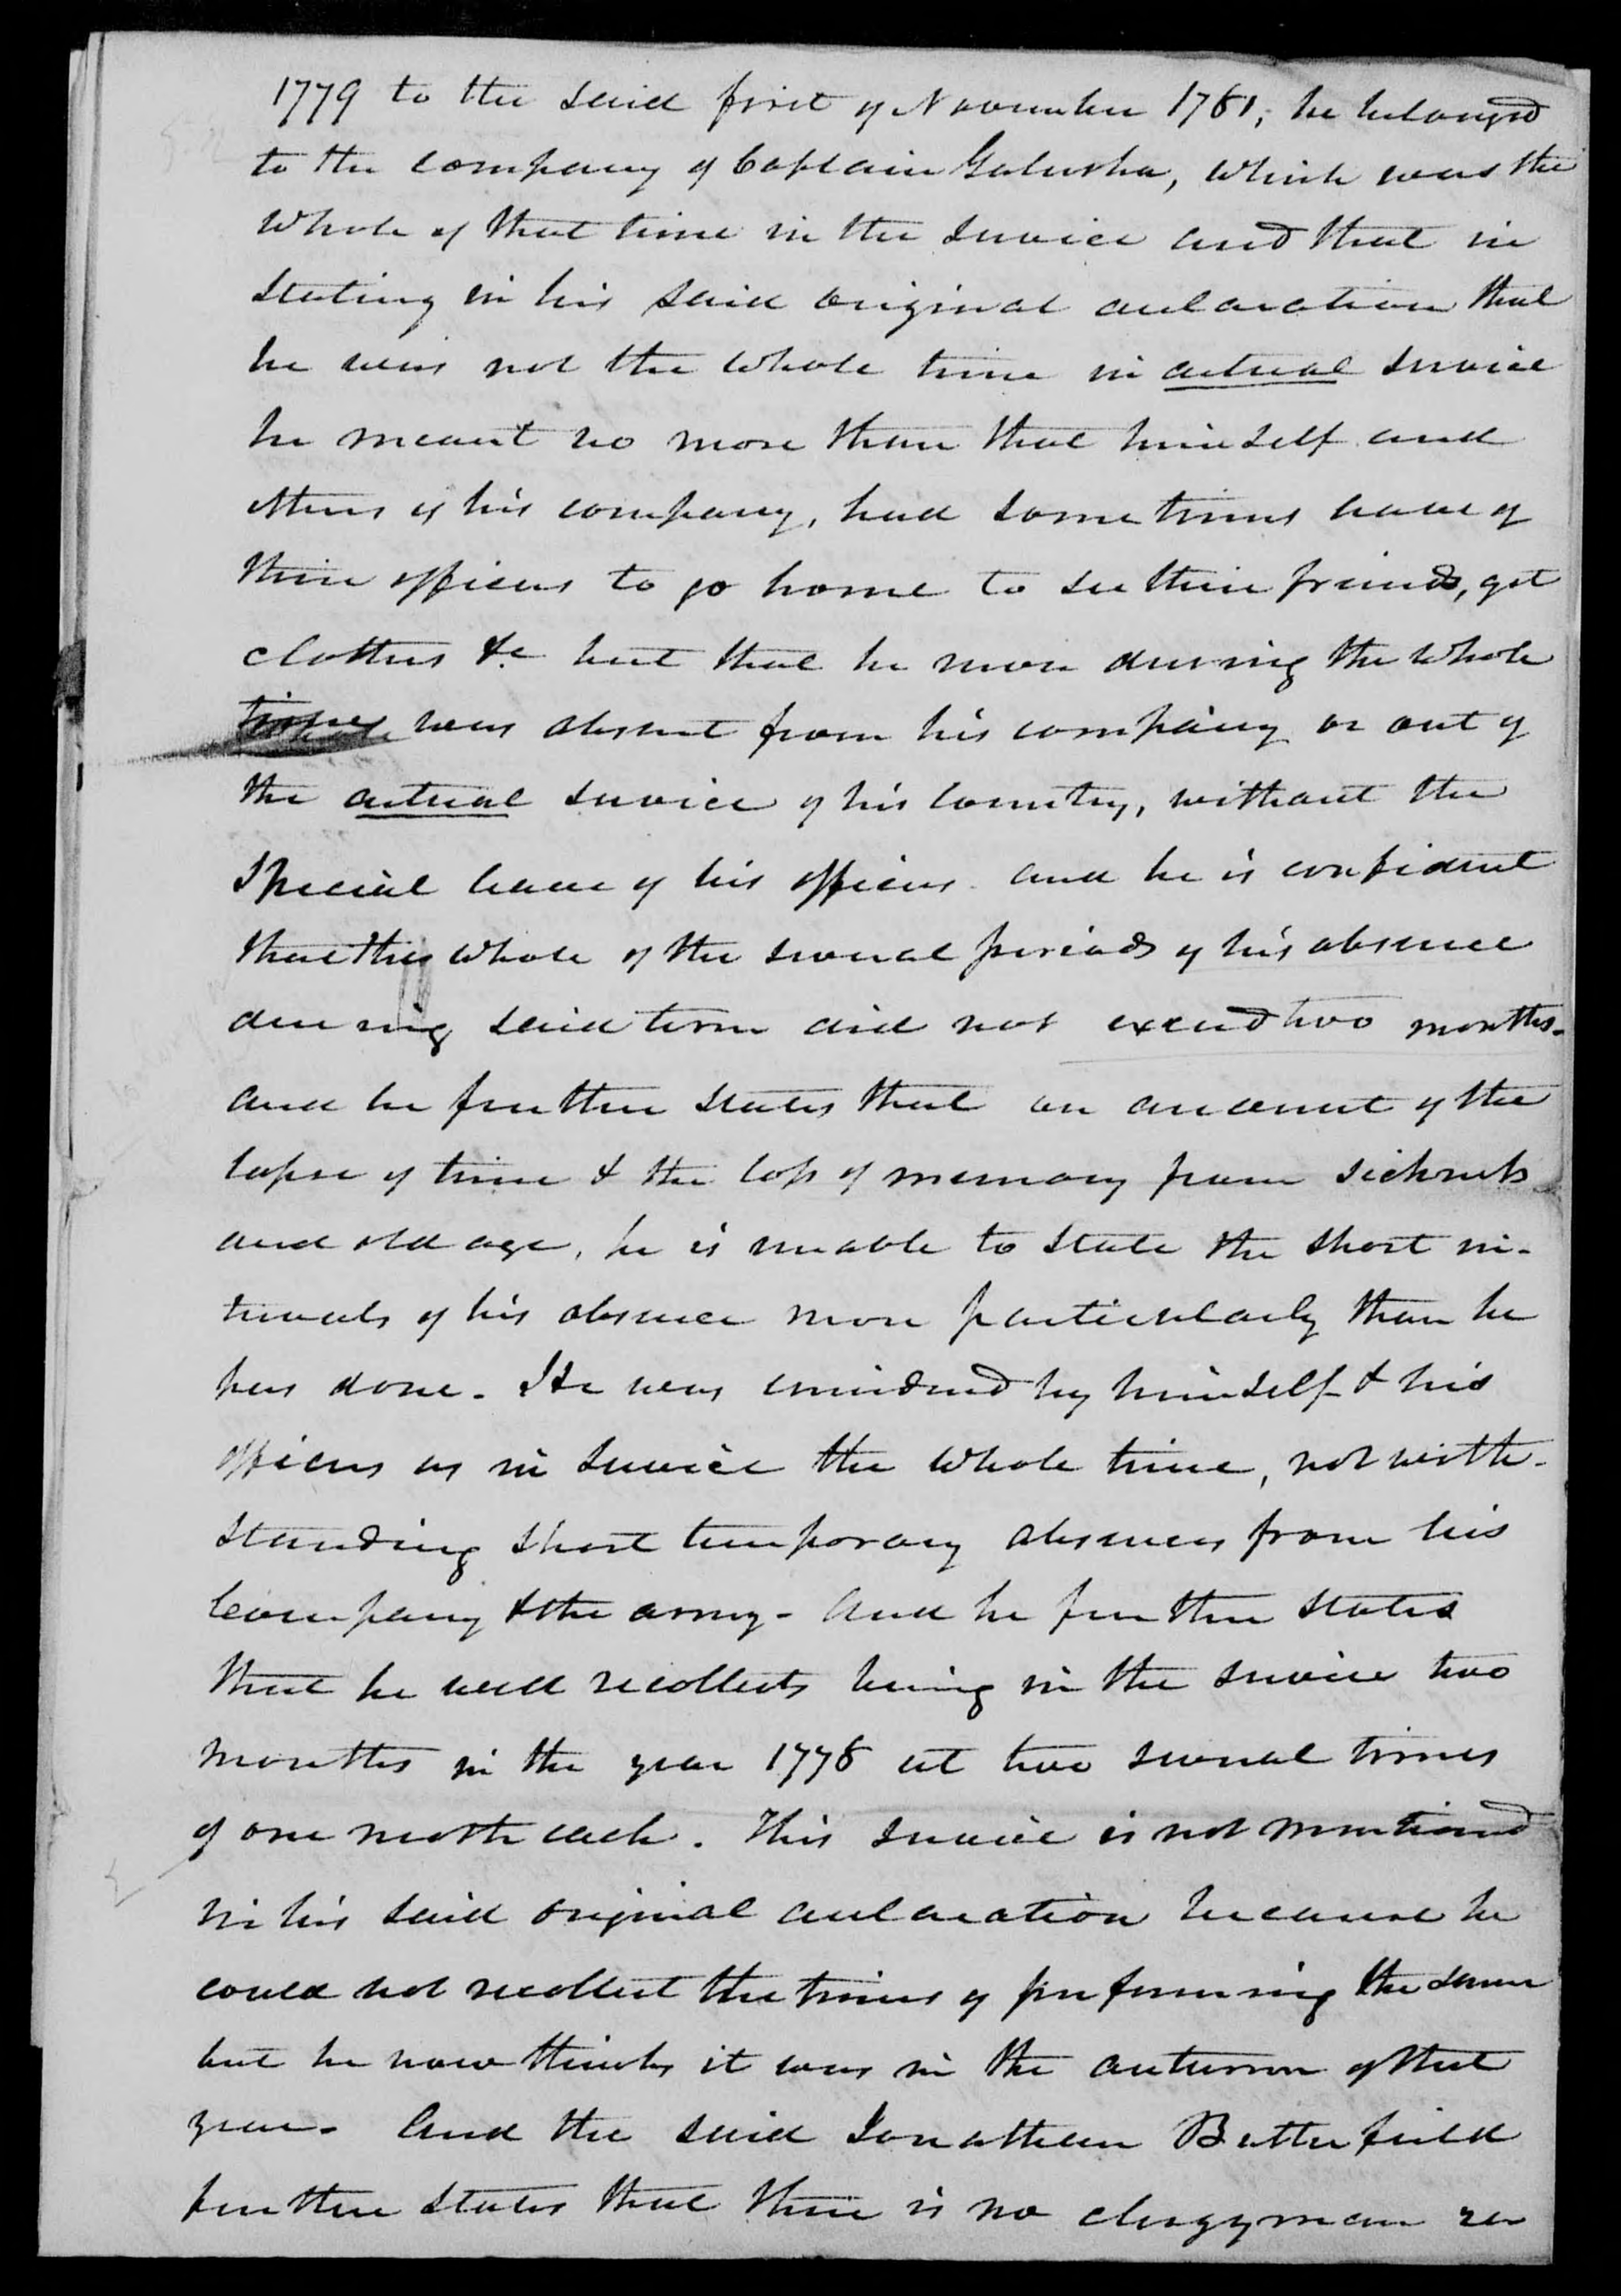1779 to the said first of November 1781, he belonged to the company of Captain Galusha, which was the whole of that time in the service and that in stating in his said original declaration that he was not the whole time in actual service he meant no more than that himself and others of his company, had some time leave of these officers to go home to see friends, get clothes &c but that he meant during the whole he was absent from his company or out of the actual service of his country, without the Special leave of his officers and he is confident that this whole of the several periods of his absence during said term did not exceed two months and he further states that an account of the lapse of time & the loss of memory from sickness and old age, he is unable to state the short times  of his absence more particularly than he has done. He was considered by himself & his officers as in service the whole time, not withstanding short temporary absence from his Company & the army. And he further states that he well recollects being in the service two months in the year 1778 at two several times of one month each. This service is not mentioned  in his said original declaration because he could not recollect the times of performing the same but he now remembers thereby it was in the autumn of that
year- And the said Jonathan Butterfield further states that there is no clergyman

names: Jonathan Butterfield, Galusha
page: 8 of 40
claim: rejected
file: R. 1558, Jonathan Butterfield, Mass. Vt.